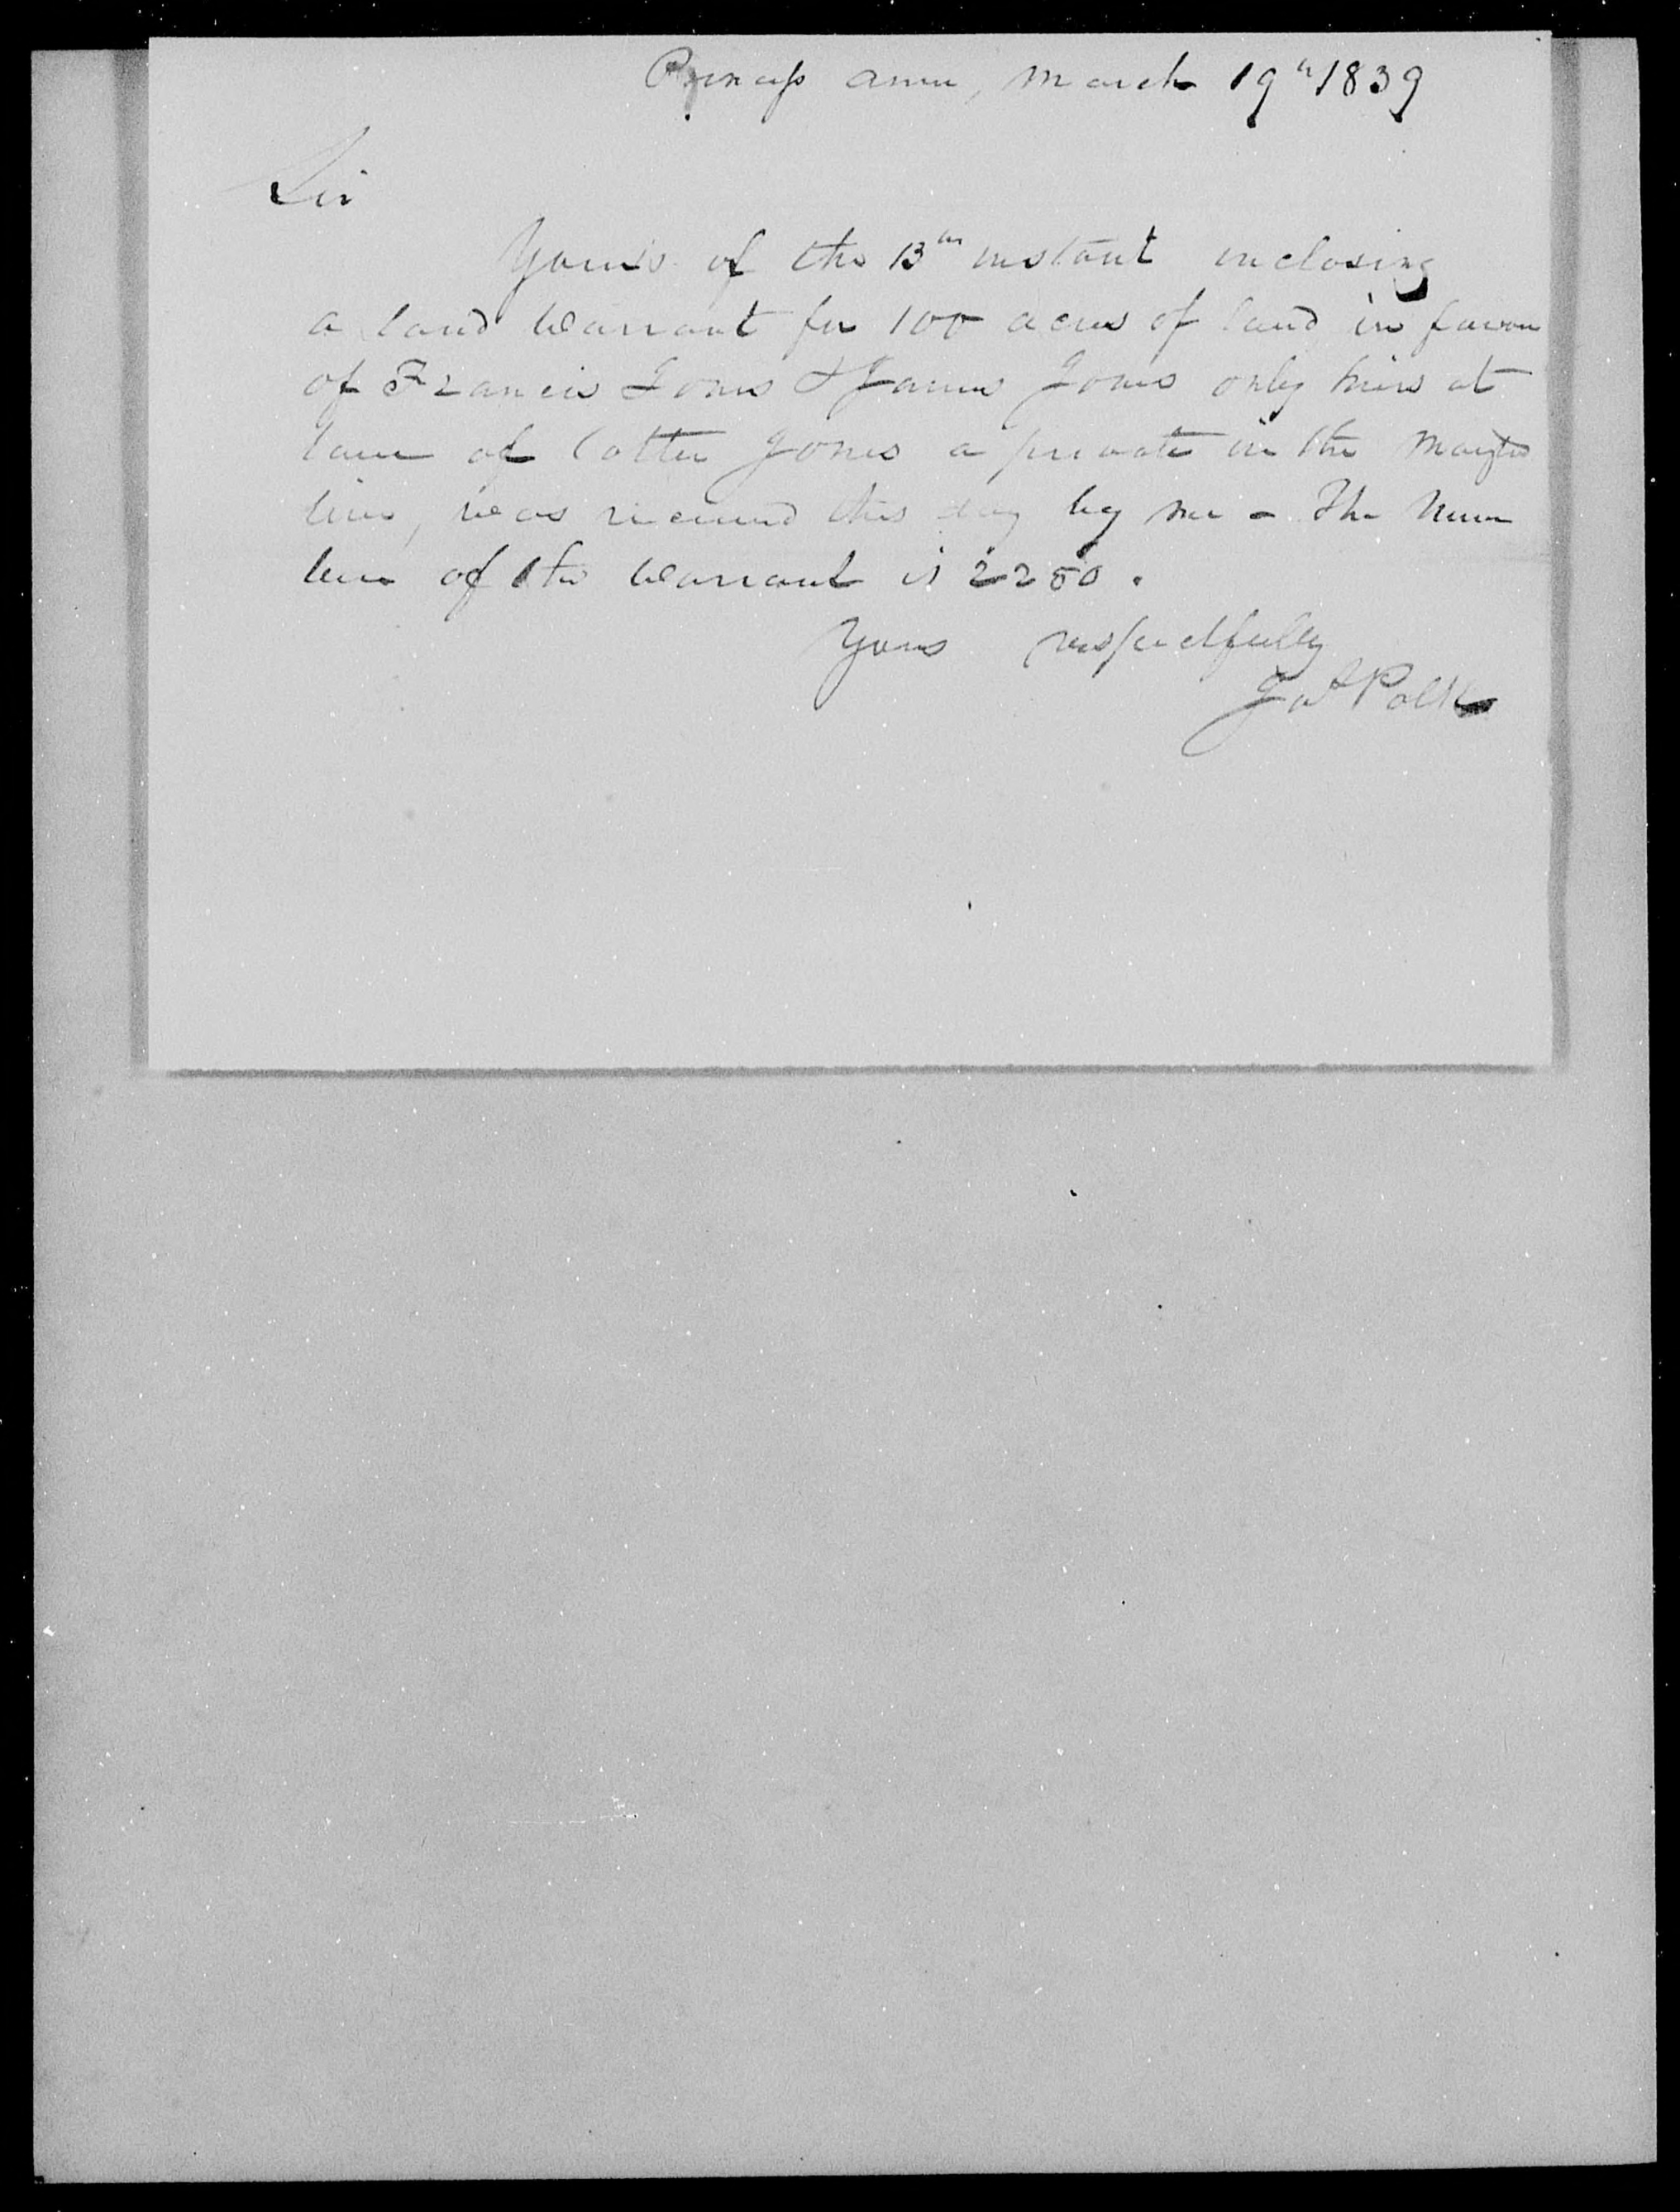Princess Anne, March 19, 1839

Sir

Yours of the 13th instant enclosing a land warrant for 100 acres of land in favor of Francis Jones & James Jones only heirs at law of Cotter Jones a private in the Maryland Line was received this day by me - the number of the warrant is 2250.

Yours Respectfully

Jas Polk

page: 3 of 15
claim: survivor's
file: S. 34946, for Cotter Jones, Maryland